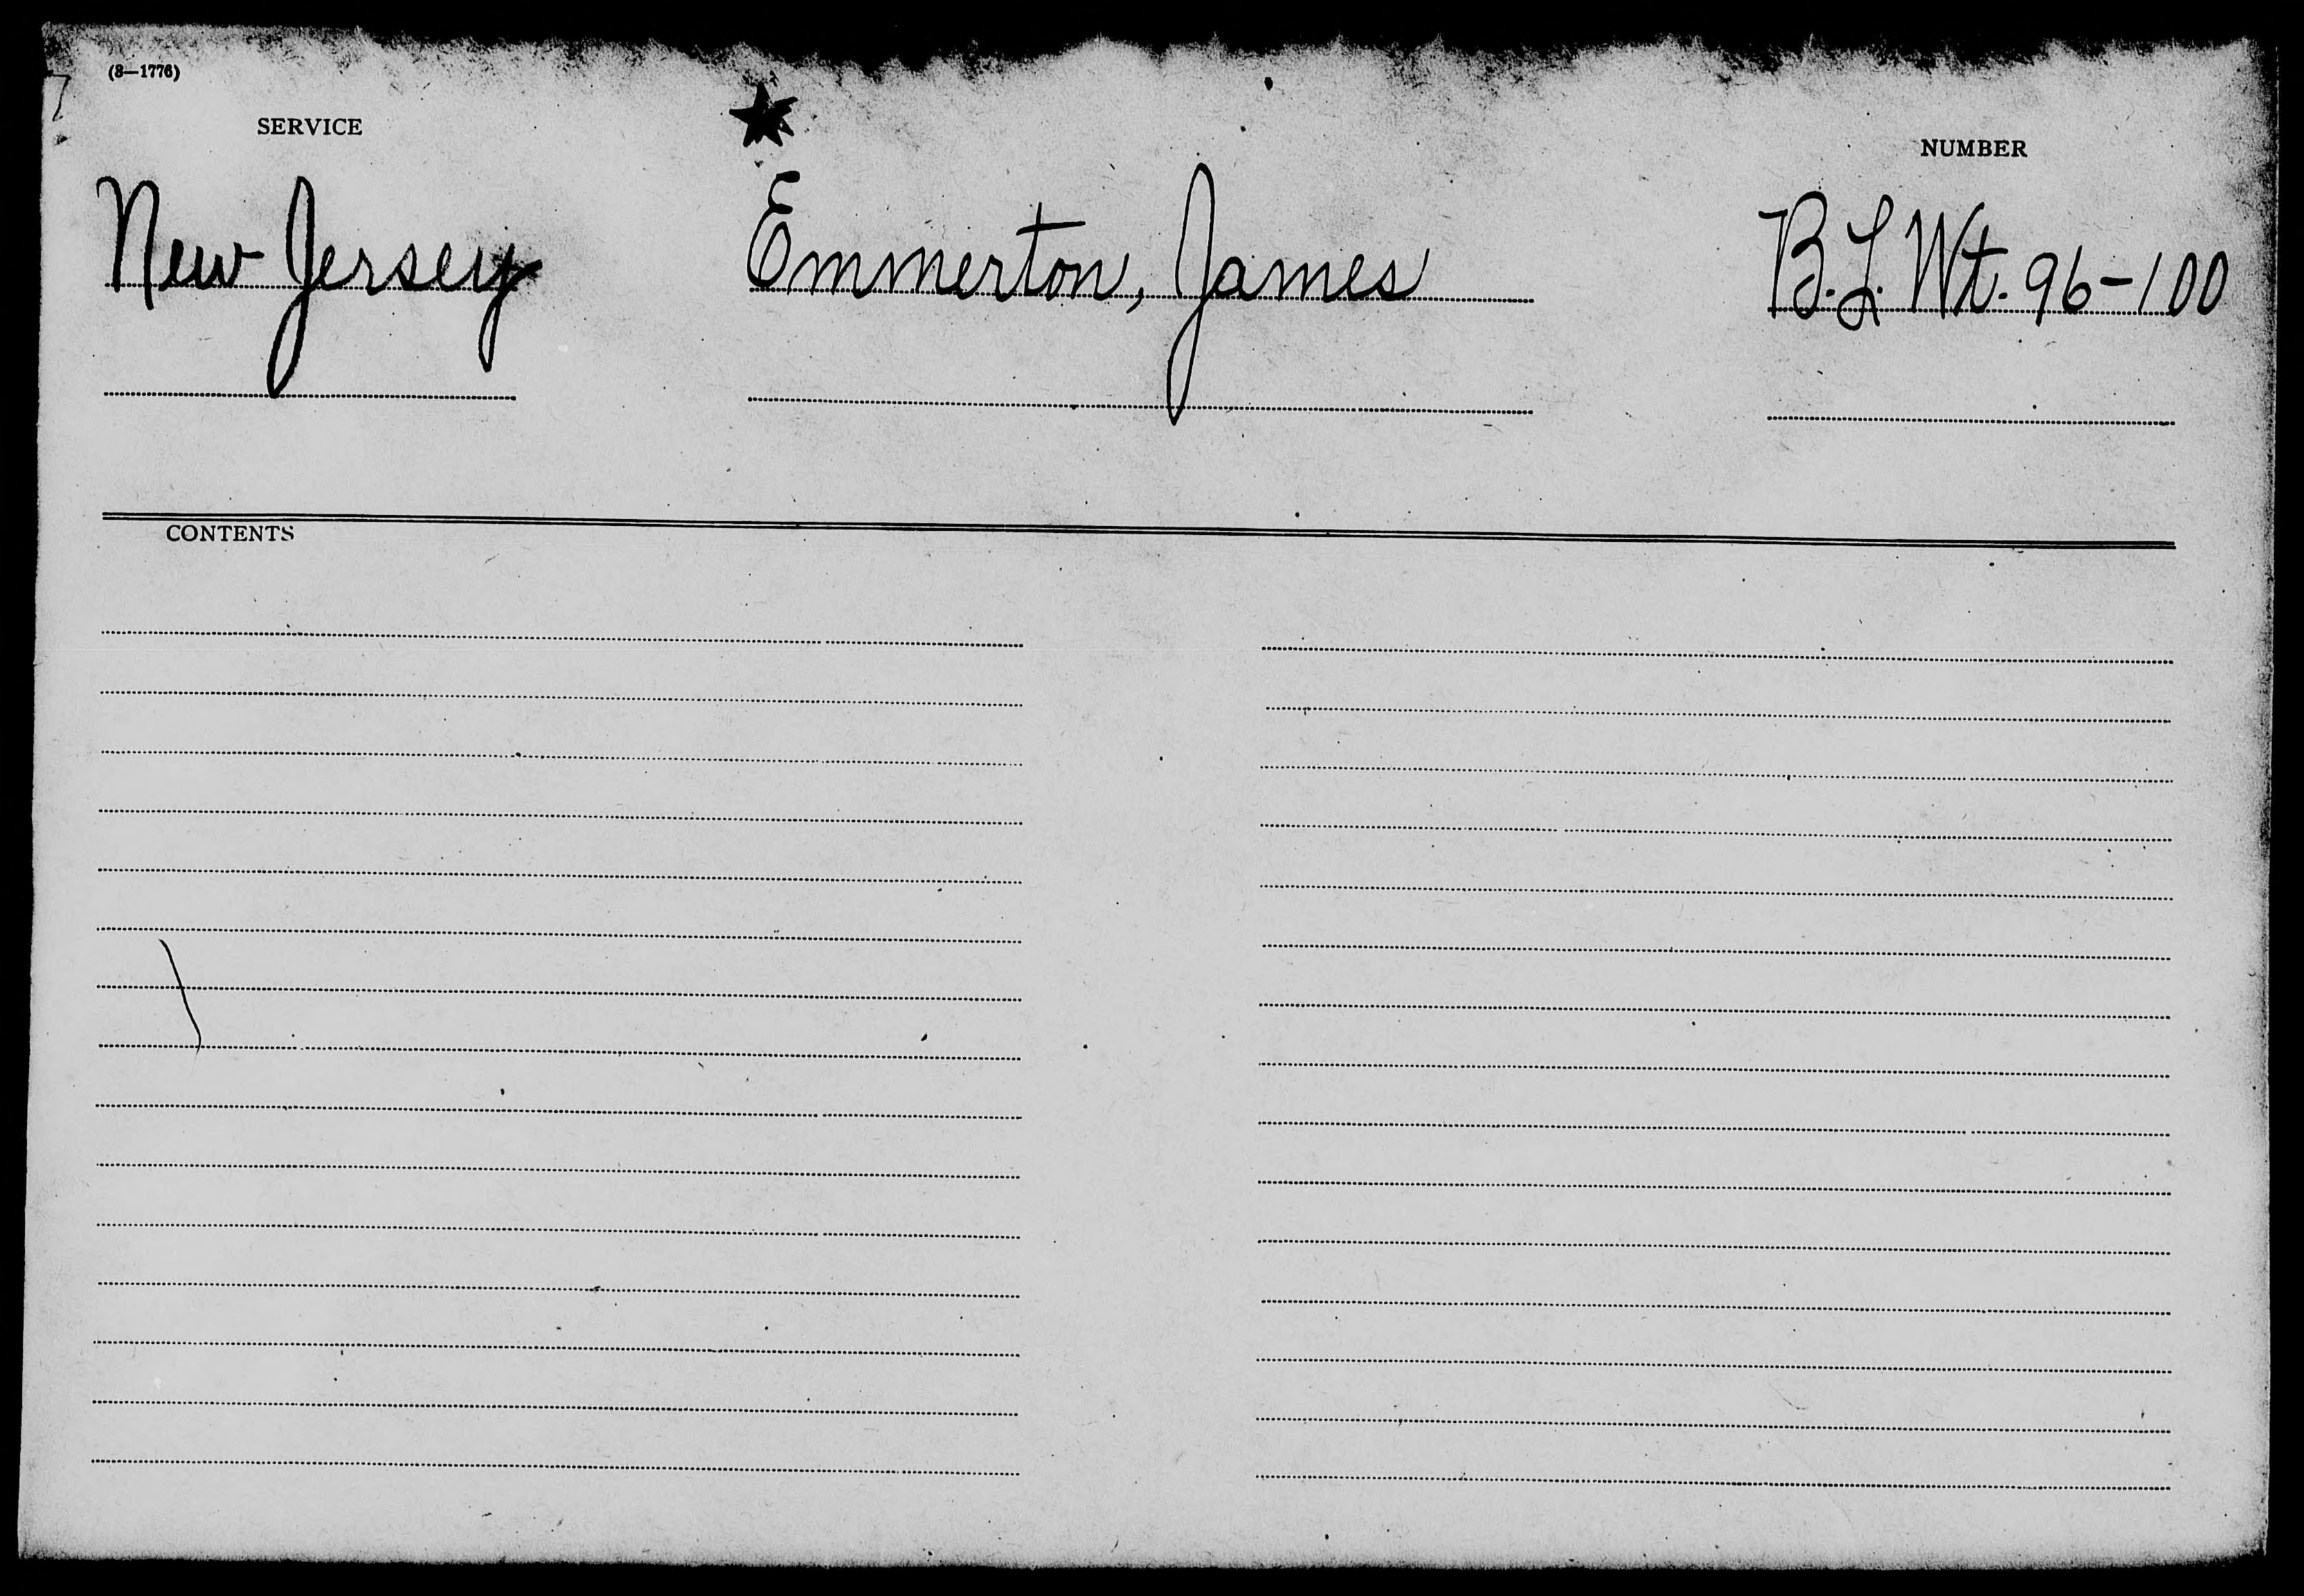(8-1776)
SERVICE
New Jersey
Emmerton, James
Number B.L. Wt. 96-100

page: 1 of 3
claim: bounty land warrant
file: B.L.Wt. 96-100, James Emmerton, New Jersey